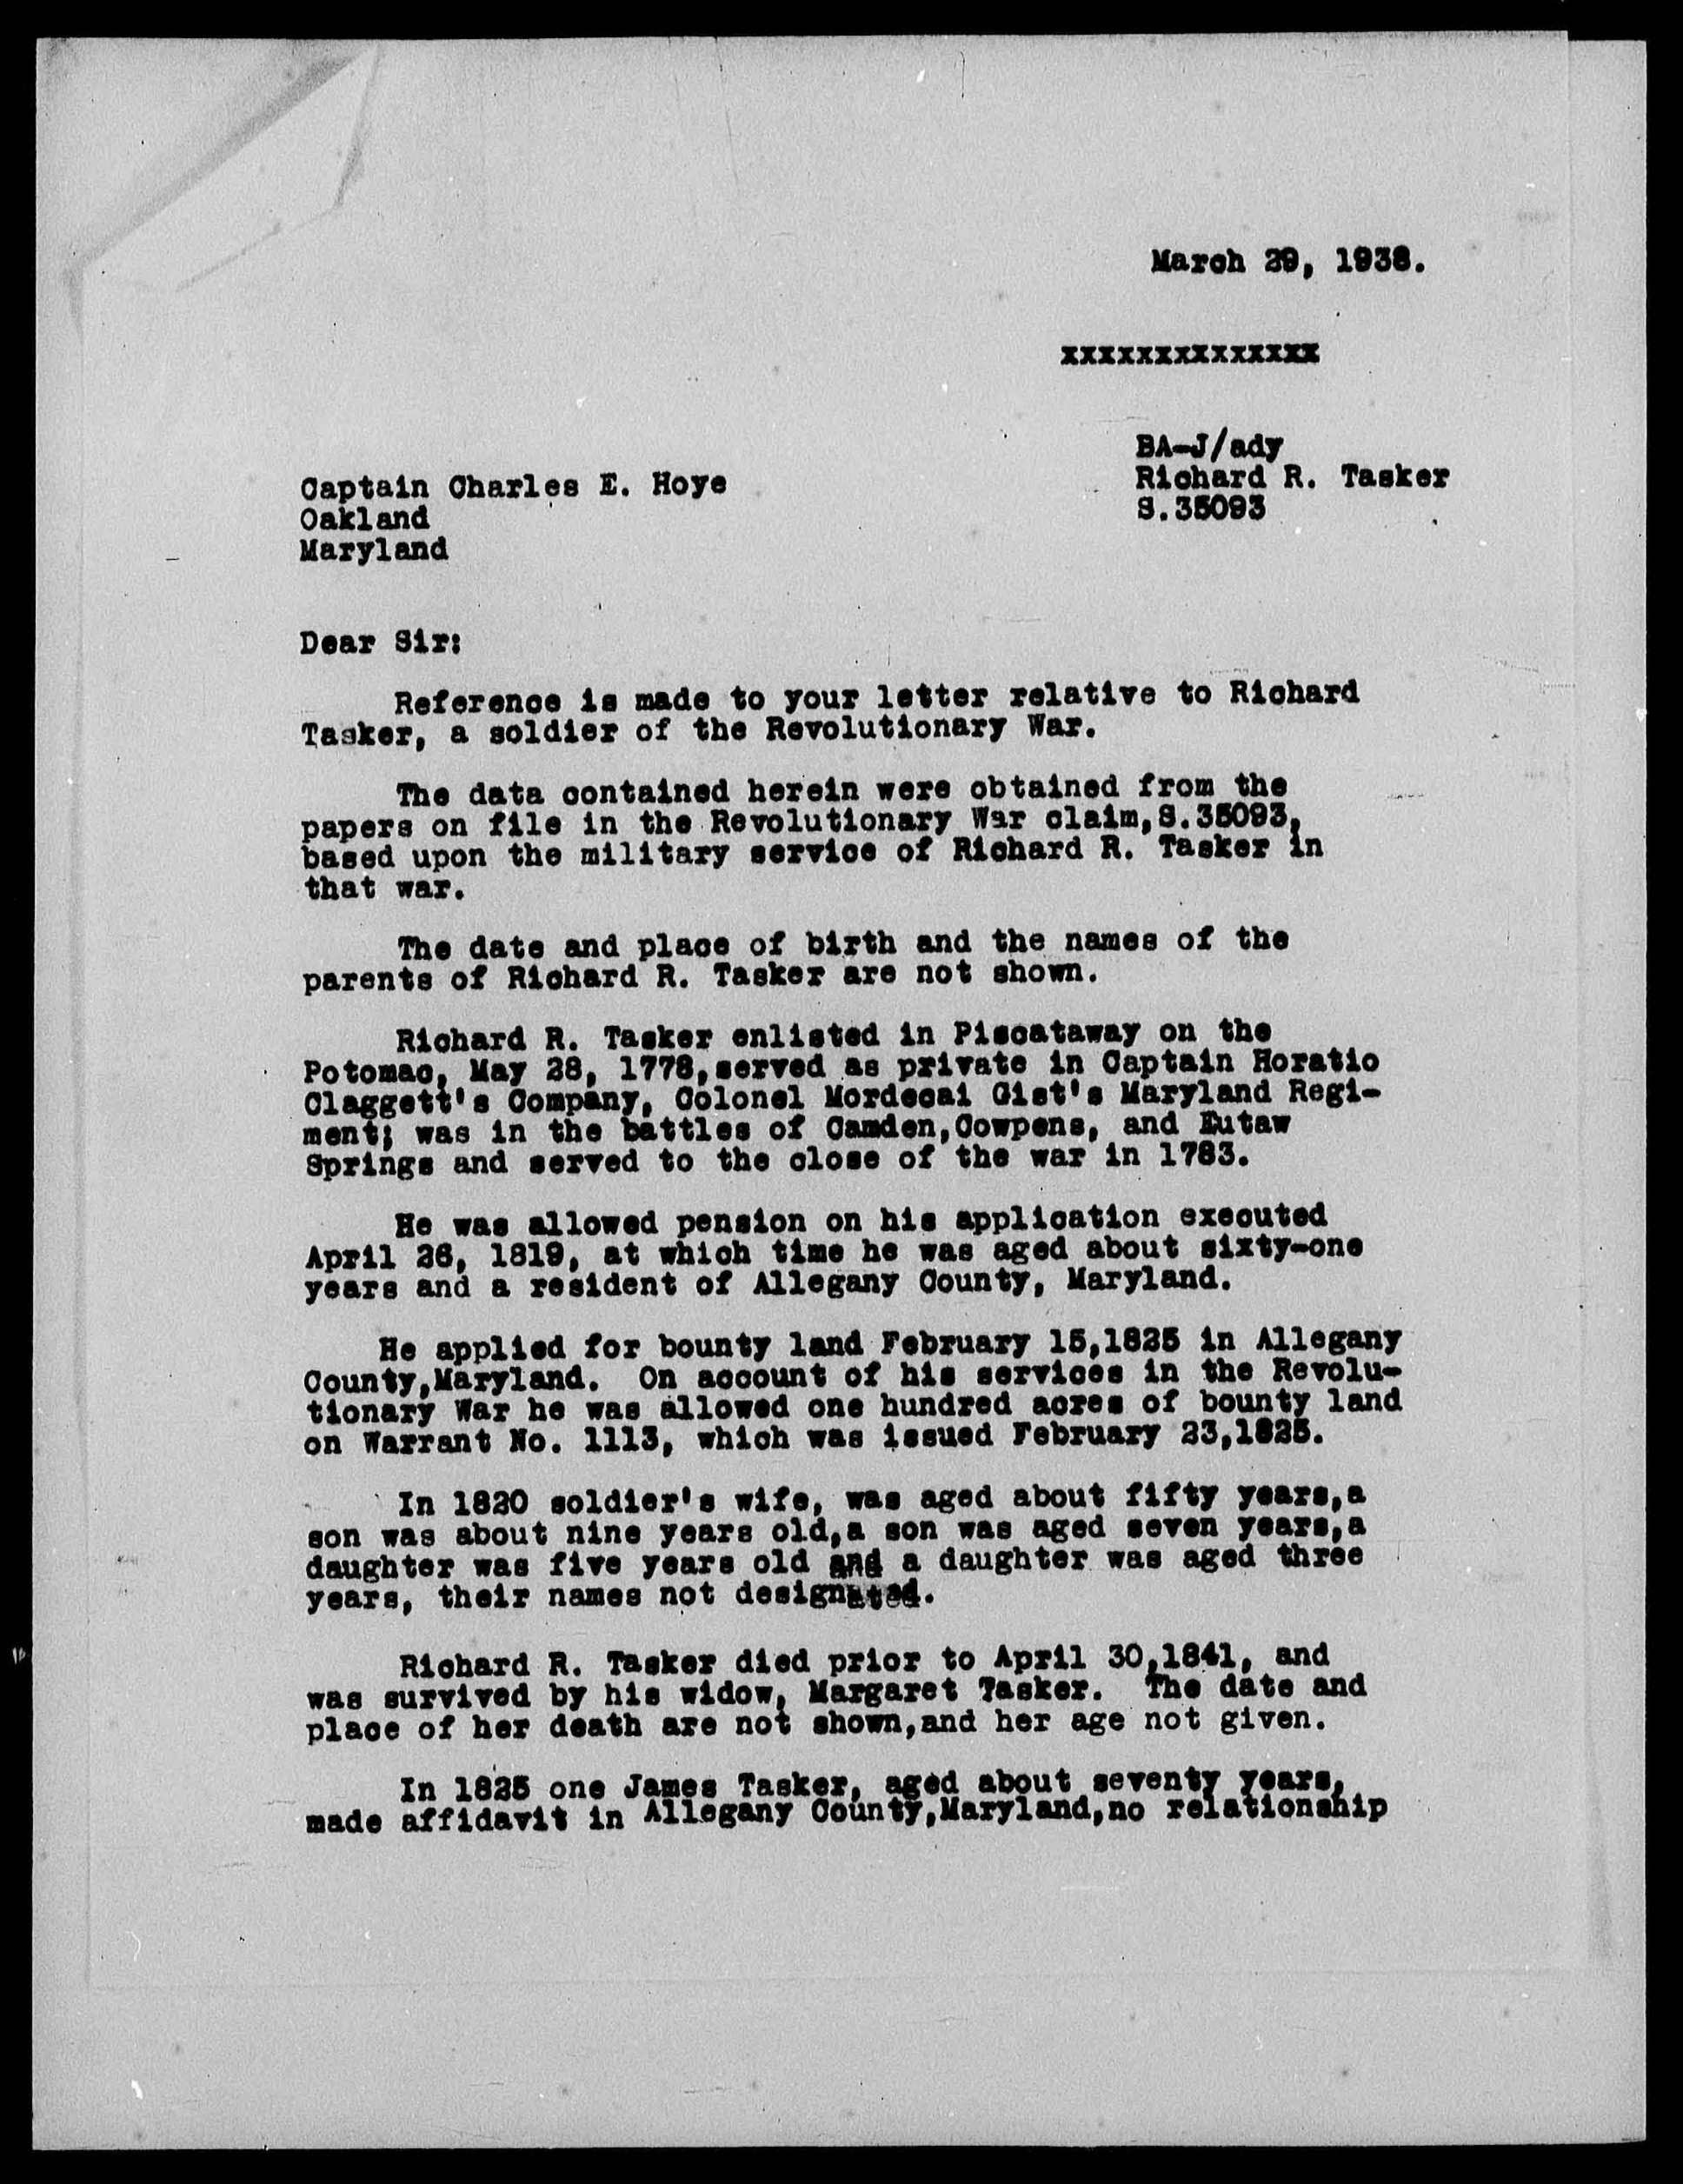March 29, 1938.

xxxxxxxxxxxxxx

Captain Charles E. Hoye
Oakland
Maryland

BA-J/ady
Richard R. Tasker
S. 35093

Dear Sir:

Reference is made to your letter relative to Richard Tasker, a soldier of the Revolutionary War.

The data contained herein were obtained from the papers on file in the Revolutionary War claim, S. 35093, based upon the military service of Richard R. Tasker in that war.

The date and place of birth and the names of the parents of Richard R. Tasker are not shown.

Richard R. Tasker enlisted in Piscataway on the Potomac, May 28, 1778, served as private in Captain Horatio Claggett's Company, Colonel Mordecai Giet's Maryland Regiment; was in the battles of Camden, Cowpens, and Eutaw Springs and served to the close of the war in 1783.

He was allowed pension on his application executed April 26, 1819, at which time he was aged about sixty-one years and a resident of Allegany County, Maryland.

He applied for bounty land February 15, 1825 in Allegany County, Maryland. On account of his services in the Revolutionary War he was allowed one hundred acres of bounty land on Warrant No. 1113, which was issued February 23, 1825.

In 1820 soldier's wife, was aged about fifty years, a son was about nine years old, a son was aged seven years, a daughter was five years old and a daughter was aged three years, their names not designated.

Richard R. Tasker died prior to April 30, 1841, and was survived by his widow, Margaret Tasker. The date and place of her death are not shown, and her age not given.

In 1825 one James Tasker, aged about seventy years, made affidavit in Allegany County, Maryland, no relationship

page: 14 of 25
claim: survivor's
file: S. 35093, for Richard R Tasker, Maryland